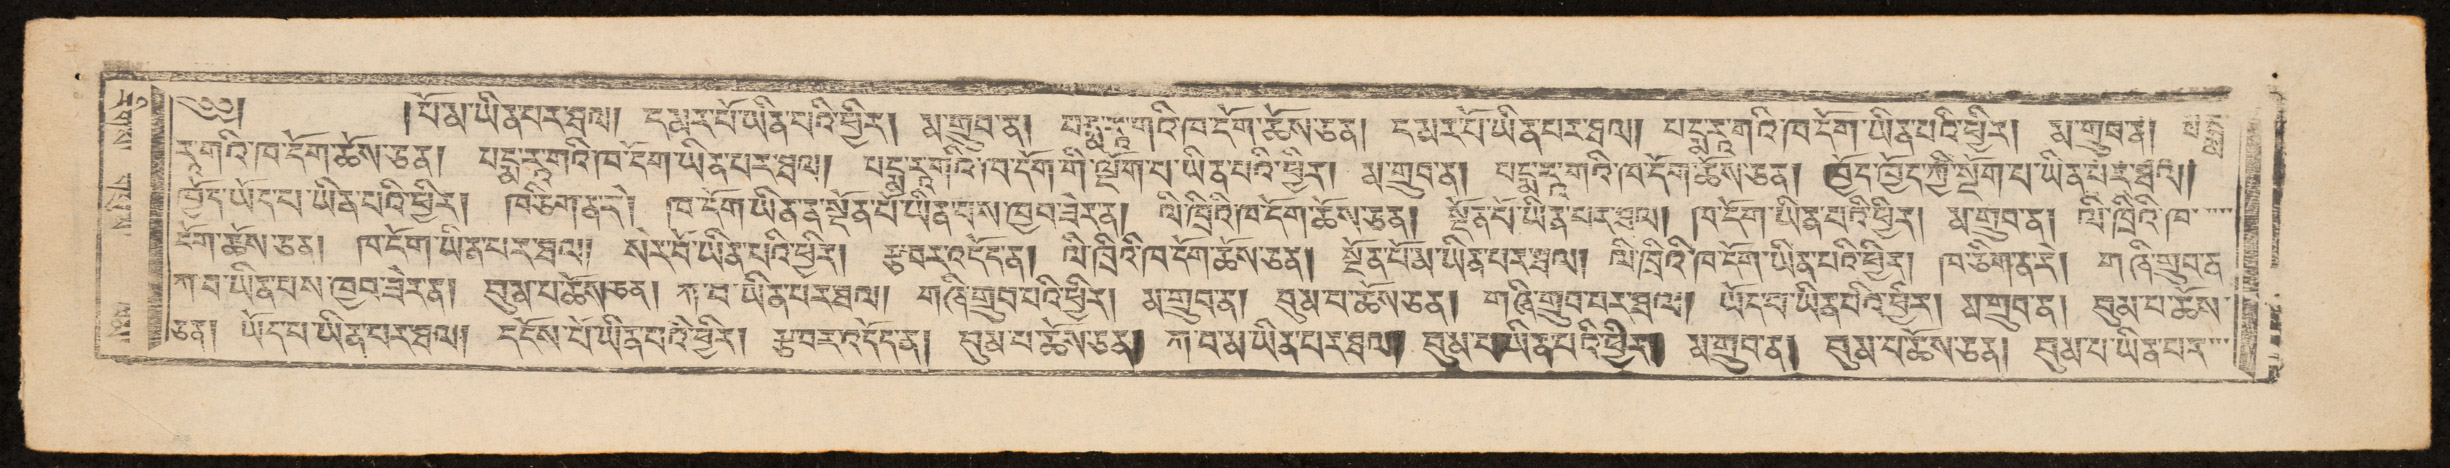༄༅། །པོ་མ་ཡིན་པར་ཐལ། དམར་པོ་ཡིན་པའི་ཕྱིར། མ་གྲུབ་ན། པད་མ་རཱ་གའི་ཁ་དོག་ཆོས་ཅན། དམར་པོ་ཡིན་པར་ཐལ། པད་མ་རཱ་གའི་ཁ་དོག་ཡིན་པའི་ཕྱིར། མ་གྲུབ་ན། པད་མ་
རཱ་གའི་ཁ་དོག་ཆོས་ཅན། པད་མ་རཱ་གའི་ཁ་དོག་ཡིན་པར་ཐལ། པད་མ་རཱ་གའི་ཁ་དོག་གི་སྡོག་པ་ཡིན་པའི་ཕྱིར། མ་གྲུབ་ན། པད་མ་རཱ་གའི་ཁ་དོག་ཆོས་ཅན། ཁྱོད་ཁྱོད་ཀྱི་ལྡོག་པ་ཡིན་པར་ཐལ།
ཁྱོད་ཡོད་པ་ཡིན་པའི་ཕྱིར། ཁ་ཅིག་ན་རེ། ཁ་དོག་ཡིན་ན་སྔོན་པོ་ཡིན་པས་ཁྱབ་ཟེར་ན། ལི་ཁྲིའི་ཁ་དོག་ཆོས་ཅན། སྔོན་པོ་ཡིན་པར་ཐལ། ཁ་དོག་ཡིན་པའི་ཕྱིར། མ་གྲུབ་ན། ལི་ཁྲིའི་ཁ་
དོག་ཆོས་ཅན། ཁ་དོག་ཡིན་པར་ཐལ། སེར་པོ་ཡིན་པའི་ཕྱིར། རྩ་བར་འདོད་ན། ལི་ཁྲིའི་ཁ་དོག་ཆོས་ཅན། སྔོན་པོ་མ་ཡིན་པར་ཐལ། ལི་ཁྲིའི་ཁ་དོག་ཡིན་པའི་ཕྱིར། ཁ་ཅིག་ན་རེ། གཞི་གྲུབ་ན་
ཀ་བ་ཡིན་པས་ཁྱབ་ཟེར་ན། བུམ་པ་ཆོས་ཅན། ཀ་བ་ཡིན་པར་ཐལ། གཞི་གྲུབ་པའི་ཕྱིར། མ་གྲུབ་ན། བུམ་པ་ཆོས་ཅན། གཞི་གྲུབ་པར་ཐལ། ཡོད་པ་ཡིན་པའི་ཕྱིར། མ་གྲུབ་ན། བུམ་པ་ཆོས་
ཅན། ཡོད་པ་ཡིན་པར་ཐལ། དངོས་པོ་ཡིན་པའི་ཕྱིར། རྩ་བར་འདོད་ན། བུམ་པ་ཆོས་ཅན། ཀ་བ་མ་ཡིན་པར་ཐལ། བུམ་པ་ཡིན་པའི་ཕྱིར། མ་གྲུབ་ན། བུམ་པ་ཆོས་ཅན། བུམ་པ་ཡིན་པར་